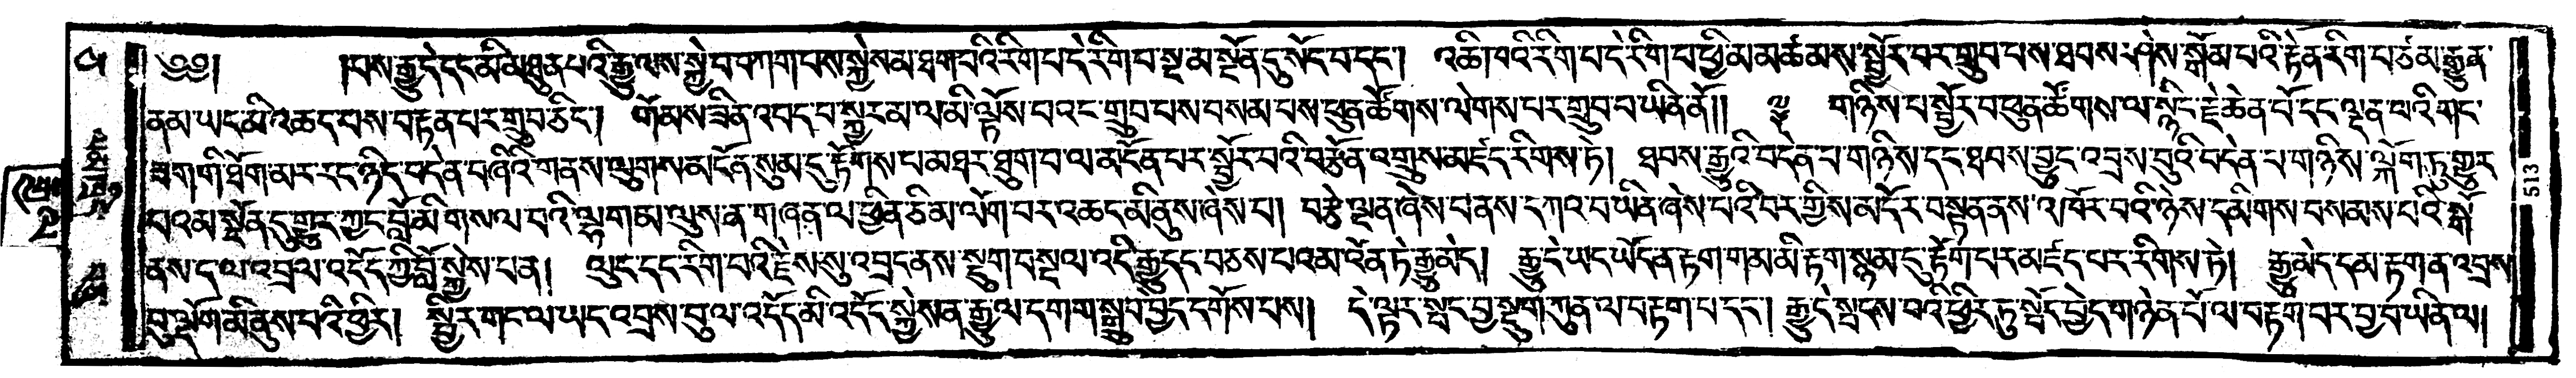༄༅། །པས་རྒྱུ་དེ་དང་མི་མཐུན་པའི་རྒྱུ་ལས་སྐྱེ་བ་བཀག་པས་སྐྱེས་མ་ཐག་པའི་རིག་པ་དེ་རིག་པ་སྔ་མ་སྔོན་དུ་སོང་བ་དང་། འཆི་ཁའི་རིག་པ་དེ་རིག་པ་ཕྱི་མ་མཚམས་སྦྱོར་བར་གྲུབ་པས་ཐབས་ཤེས་སྒོམ་པའི་རྟེན་རིག་པ་ཙམ་རྒྱུན་
ནམ་ཡང་མི་འཆད་པས་བརྟན་པར་གྲུབ་ཅིང་། གོམས་ཟིན་འབད་པ་སྐྱར་མ་ལ་མི་ལྟོས་པའང་གྲུབ་པས་བསམ་པས་ཕུན་ཚོགས་ལེགས་པར་གྲུབ་པ་ཡིན་ནོ།། ༈ གཉིས་པ་སྦྱོར་བ་ཕུན་ཚོགས་ལ་སྙིང་རྗེ་ཆེན་པོ་དང་ལྡན་པའི་གང་
ཟག་གི་ཐོག་མར་རང་ཉིད་བདེན་བཞིའི་གནས་ལུགས་མངོན་སུམ་དུ་རྟོགས་པ་མཐར་ཐུག་པ་ལ་མངོན་པར་སྦྱོར་བའི་བརྩོན་འགྲུས་མཛད་རིགས་ཏེ། ཐབས་རྒྱུའི་བདེན་པ་གཉིས་དང་ཐབས་བྱུང་འབྲས་བུའི་བདེན་པ་གཉིས་ལྐོག་ཏུ་གྱུར་
པའམ་སྔོན་དུ་གྱུར་ཀྱང་བློ་མི་གསལ་བའི་ལྷག་མ་ལུས་ན་གཞན་ལ་ཕྱིན་ཅི་མ་ལོག་བར་འཆད་མི་ནུས་ཞེས་པ། བརྩེ་ལྡན་ཞེས་པ་ནས་དཀའ་བ་ཡིན་ཞེས་པའི་བར་གྱིས་མདོར་བསྟན་ནས་འཁོར་བའི་ཉེས་དམིགས་བསམས་པའི་སྒོ་
ནས་ད་ལ་འབྲལ་འདོད་ཀྱི་བློ་སྐྱེས་པ་ན། ལུང་དང་རིག་པའི་རྗེས་སུ་འབྲང་ནས་སྡུག་བསྔལ་འདི་རྒྱུ་དང་བཅས་པའམ་འོན་ཏེ་རྒྱུ་མེད། རྒྱུ་དེ་ཡང་ཡོད་ན་རྟགས་གམ་མི་རྟག་སྙམ་དུ་རྟོག་པར་མཛད་པར་རིགས་ཏེ། རྒྱུ་མེད་དམ་རྟག་ན་འབྲས་
བུ་ལྡོག་མི་ནུས་པའི་ཕྱིར། སྤྱིར་གང་ལ་ཡང་འབྲས་བུ་ལ་འདོད་མི་འདོད་སྐྱེས་ན་རྒྱུ་ལ་དགག་སྒྲུབ་བྱེད་དགོས་པས། དེ་ལྟར་སྤང་བྱ་སྡུག་ཀུན་ལ་བརྟག་པ་དང་། རྒྱུ་དེ་སྤངས་པའི་ཕྱིར་ཏུ་སྤོང་བྱེད་གཉེན་པོ་ལ་བརྟག་པར་བྱ་བ་ཡིན་ལ།